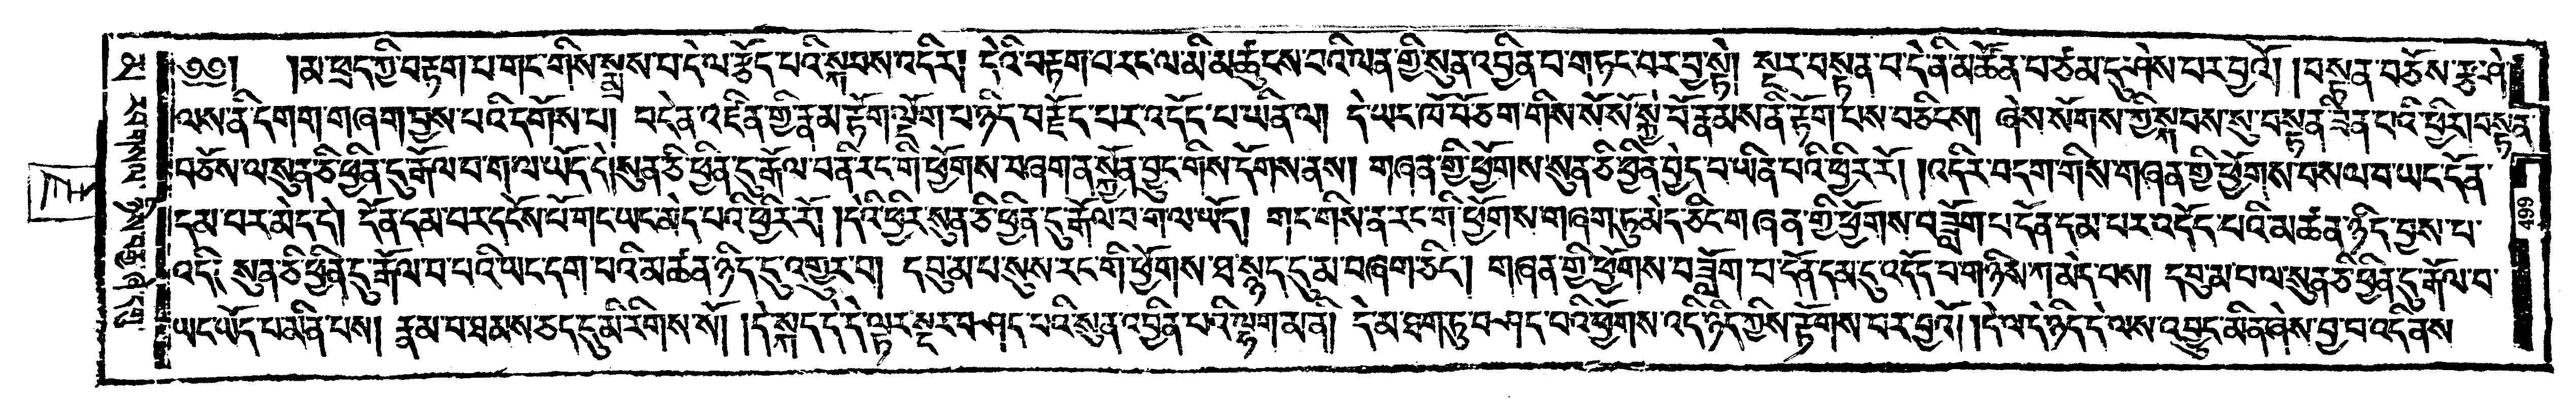༄༅། །མ་ཕྲད་ཀྱི་བརྟག་པ་གང་གིས་སྨྲས་པ་དེ་ལ་རྩོད་པའི་སྐབས་འདིར། དེའི་བརྟག་པ་རང་ལ་མི་མཚུངས་པའི་ལན་གྱི་སུན་འབྱིན་པ་གཏང་བར་བྱ་སྟེ། སྔར་བསྟན་པ་དེ་ནི་མཚོན་པ་ཙམ་དུ་ཤེས་པར་བྱའོ། །བསྟན་བཅོས་རྩ་ཤེ་
ལས་ནི་དགག་གཞག་བྱས་པའི་དགོས་པ། བདེན་འཛིན་གྱི་རྣམ་རྟོག་ལྡོག་པ་ཉིད་བརྗོད་པར་འདོད་པ་ཡིན་ལ། དེ་ཡང་ཁོ་བོ་ཅག་གིས་སོ་སོ་སྐྱེ་བོ་རྣམས་ནི་རྟོག་པས་བཅིངས། ཞེས་སོགས་ཀྱི་སྐབས་སུ་བསྟན་ཟིན་པའི་ཕྱིར། བསྟན་
བཅོས་ལ་སུན་ཅི་ཕྱིན་དུ་རྒོལ་བ་ག་ལ་ཡོད་དེ། སུན་ཅི་ཕྱིན་དུ་རྒོལ་བ་ནི་རང་གི་ཕྱོགས་བཞག་ན་སྐྱོན་བྱུང་གིས་དོགས་ནས། གཞན་གྱི་ཕྱོགས་སུན་ཅི་ཕྱིན་བྱེད་པ་ཡིན་པའི་ཕྱིར་རོ། །འདིར་བདག་གིས་གཞན་གྱི་ཕྱོགས་བསལ་བ་ཡང་དོན་
དམ་པར་མེད་དེ། དོན་དམ་པར་དངོས་པོ་གང་ཡང་མེད་པའི་ཕྱིར་རོ། །དེའི་ཕྱིར་སུན་ཅི་ཕྱིན་དུ་རྒོལ་བ་ག་ལ་ཡོད། གང་གིས་ན་རང་གི་ཕྱོགས་གཞག་ཏུ་མེད་ཅིང་གཞན་གྱི་ཕྱོགས་བཟློག་པ་དོན་དམ་པར་འདོད་པའི་མཚན་ཉིད་བྱས་པ་
འདི༑ སུན་ཅི་ཕྱིན་དུ་རྒོལ་བ་པའི་ཡང་དག་པའི་མཚན་ཉིད་དུ་འགྱུར་བ། དབུ་མ་པ་སུས་རང་གི་ཕྱོགས་ཐ་སྙད་དུ་མ་བཞག་ཅིང་། གཞན་གྱི་ཕྱོགས་བཟློག་པ་དོན་དམ་དུ་འདོད་པ་གཉིས་ཀ་མེད་པས། དབུ་མ་པ་ལ་སུན་ཅི་ཕྱིན་དུ་རྒོལ་བ་
ཡང་ཡོད་པ་མིན་པས། རྣམ་པ་ཐམས་ཅད་དུ་མི་རིགས་སོ། །དེ་སྐད་དེ་དེ་ལྟར་སྔར་བཤད་པའི་སུན་འབྱིན་པའི་ལྷག་མ་ནི། དེ་མ་ཐག་ཏུ་བཤད་པའི་ཕྱོགས་འདི་ཉིད་ཀྱིས་རྟོགས་པར་བྱའོ། །དེ་ལ་དེ་ཉིད་དེ་ལས་འབྱུང་མིན་ཞེས་བྱ་བ་འདི་ནས་